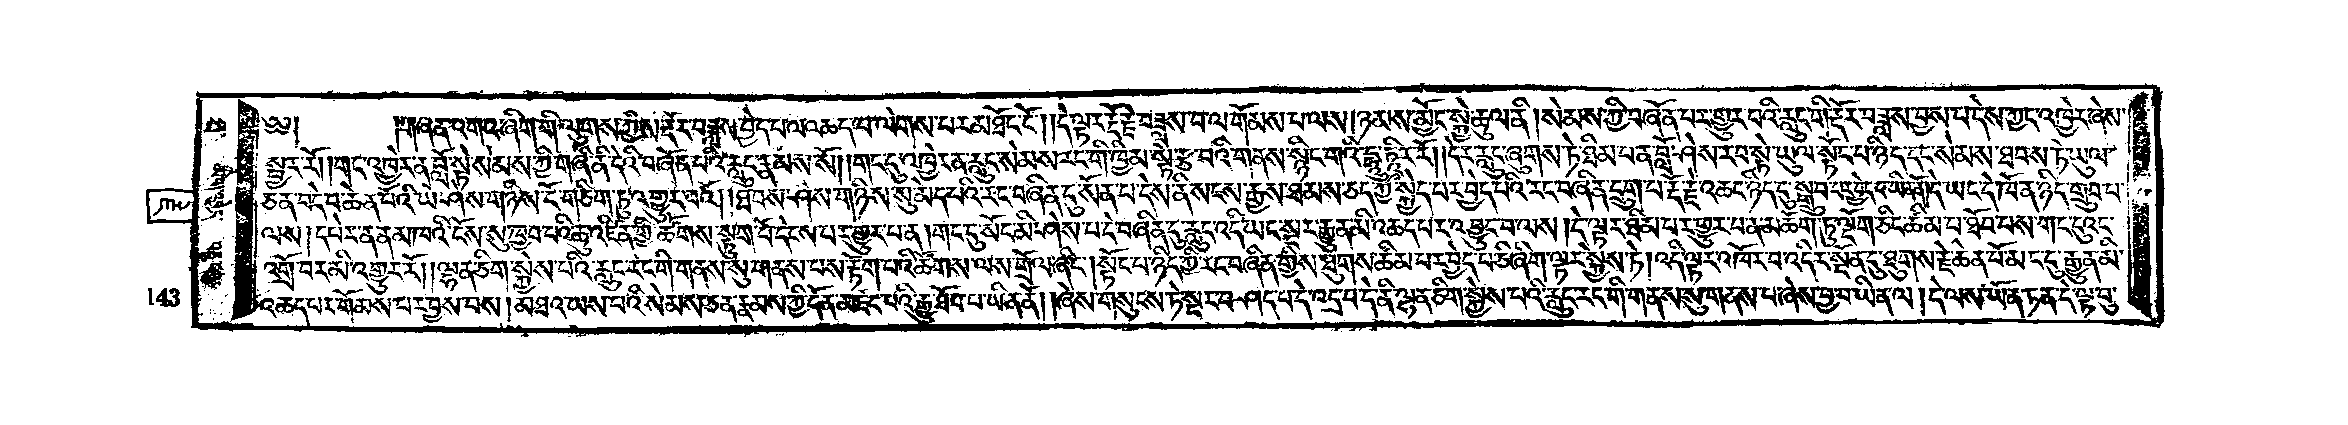༄༅། །གཞན་འགའ་ཞིག་གི་ལུགས་ཀྱིས་རྡོར་བཟླས་བྱེད་པ་ལ་འཆད་པ་ལེགས་པར་མཐོང་ངོ། །དེ་ལྟར་རྡོ་རྗེ་བཟླས་པ་ལ་གོམས་པ་ལས། ཉམས་མྱོང་སྐྱེ་ཚུལ་ནི། སེམས་ཀྱི་བཞོན་པར་གྱུར་བའི་རླུང་གི་རྡོར་བཟླས་བྱས་པ་དེས་ཀྱང་འཁྱེར་ཞེས་
སྦྱར་རོ། །གང་འཁྱེར་ན་བློ་སྟེ་སེམས་ཀྱི་གཞི་ནི་དེའི་བཞོན་པའི་རླུང་རྣམས་སོ། །གང་དུ་འཁྱེར་ན་རླུང་སེམས་རང་གི་ཁྱིམ་སྟེ་རྩ་བའི་གནས་སྙིང་གའི་དྷཱུ་ཏཱིར་རོ། །དེར་རླུང་ཞུགས་ཏེ་ཐིམ་པ་ན་བློ་ཤེས་རབ་སྟེ་ཡུལ་སྟོང་པ་ཉིད་དང་སེམས་ཐབས་ཏེ་ཡུལ་
ཅན་བདེ་བ་ཆེན་པོའི་ཡེ་ཤེས་གཉིས་རོ་གཅིག་ཏུ་འགྱུར་བའོ། །ཐབས་ཤེས་གཉིས་སུ་མེད་པའི་རང་བཞིན་དུ་སོན་པ་དེས་ནི་སངས་རྒྱས་ཐམས་ཅད་ཀྱི་སྐྱེད་པར་བྱེད་པའི་རང་བཞིན་དྲུག་པ་རྡོ་རྗེ་འཆང་ཉིད་དུ་སྒྲུབ་པར་བྱེད་པ་ཡིན་ནོ། དེ་ཡང་དེ་ཁོ་ན་ཉིད་གྲུབ་པ་
ལས། དཔེར་ན་ནམ་མཁའི་ངོས་སུ་ཁྱབ་པའི་ཆུ་འཛིན་གྱི་ཚོགས་སྟུག་པོ་དེངས་པར་གྱུར་པ་ན། གང་དུ་སོང་མི་ཤེས་པ་དེ་བཞིན་དུ་རླུང་འདི་ཡང་སྔར་རྒྱུན་མི་འཆད་པར་འབྱུང་བ་ལས། དེ་ལྟར་ཐིམ་པར་གྱུར་པ་ན་མཆོག་ཏུ་ལྡོག་ཅིང་ཚིམ་པ་ཐོབ་པས་གང་དུའང་
འགྲོ་བར་མི་འགྱུར་རོ། །ལྷན་ཅིག་སྐྱེས་པའི་རླུང་རང་གི་གནས་སུ་གནས་པས་རྟོག་པའི་ཚོགས་ལས་གྲོལ་ཞིང་། སྟོང་པ་ཉིད་ཀྱི་རང་བཞིན་གྱིས་ཐུགས་ཚིམ་པར་བྱེད་པ་ཅི་ཞིག་ལྟར་སྐྱེས་ཏེ། འདི་ལྟར་འཁོར་བ་འདིར་སྔོན་དུ་ཐུགས་རྗེ་ཆེན་པོ་མང་དུ་རྒྱུན་མི་
འཆད་པར་གོམས་པར་བྱས་པས། མཐའ་ཡས་པའི་སེམས་ཅན་རྣམས་ཀྱི་དོན་མཛད་པའི་རྒྱུ་ཐོབ་པ་ཡིན་ནོ། །ཞེས་གསུངས་ཏེ་སྔར་བཤད་པ་དེ་འདྲ་བ་དེ་ནི་ལྷན་ཅིག་སྐྱེས་པའི་རླུང་རང་གི་གནས་སུ་གནས་པ་ཞེས་བྱ་བ་ཡིན་ལ། དེ་ལས་ཡོན་ཏན་དེ་ལྟ་བུ་